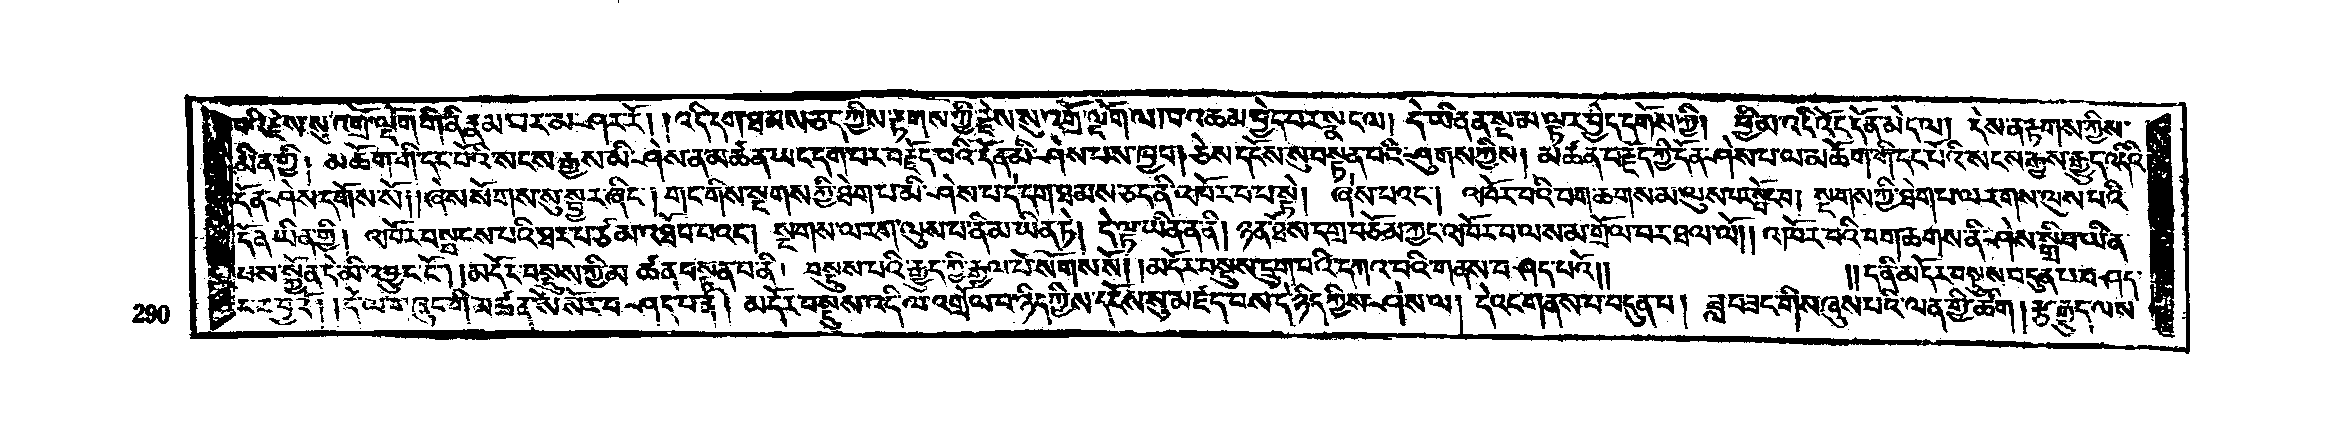པའི་རྗེས་སུ་འགྲོ་ལྡོག་གི་ནི་རྣམ་པར་མ་ཤར་རོ། །འདི་དག་ཐམས་ཅད་ཀྱིས་རྟགས་ཀྱི་རྗེས་སུ་འགྲོ་ལྡོག་ལ་ཁ་འཆམ་བྱེད་པར་སྣང་ལ། དེ་ཡིན་ན་སྔ་མ་ལྟར་བྱེད་དགོས་ཀྱི། ཕྱི་མ་འདི་འོང་དོན་མེད་ལ། དེས་ན་རྟགས་ཀྱིས་
མིན་གྱི། མཆོག་གི་དང་པོའི་སངས་རྒྱས་མི་ཤེས་ན་མཚན་ཡང་དག་པར་བརྗོད་པའི་དོན་མི་ཤེས་པས་ཁྱབ། ཅེས་དངོས་སུ་བསྟན་པའི་ཤུགས་ཀྱིས། མཚན་བརྗོད་ཀྱི་དོན་ཤེས་པ་ལ་མཆོག་གི་དང་པོའི་སངས་རྒྱས་རྒྱུད་འདིའི་
དོན་ཤེས་དགོས་སོ། །ཞེས་སོགས་སུ་སྦྱར་ཞིང་། གང་གིས་སྔགས་ཀྱི་ཐེག་པ་མི་ཤེས་པ་དེ་དག་ཐམས་ཅད་ནི་འཁོར་བ་པ་སྟེ། ཞེས་པའང་། འཁོར་བའི་བག་ཆགས་མ་ལུས་པར་སྤོང་བ། སྔགས་ཀྱི་ཐེག་པ་ལ་རགས་ལུས་པའི་
དོན་ཡིན་གྱི། འཁོར་བ་སྤངས་པའི་ཐར་པ་ཙམ་འཐོབ་པའང་། སྔགས་ལ་རག་ལུས་པ་ནི་མ་ཡིན་ཏེ། དེ་ལྟ་ཡིན་ན་ནི། ཉན་ཐོས་དགྲ་བཅོམ་ཀྱང་འཁོར་བ་ལས་མ་གྲོལ་བར་ཐལ་ལོ། །འཁོར་བའི་བག་ཆགས་ནི་ཤེས་སྒྲིབ་ཡིན་
པས་སྐྱོན་དེ་མི་འབྱུང་ངོ། །མདོར་བསྡུས་ཀྱི་མཚན་བསྟན་པ་ནི། བསྡུས་པའི་རྒྱུད་ཀྱི་རྒྱལ་པོ་སོགས་སོ། །མདོར་བསྡུས་དྲུག་པའི་དཀའ་བའི་གནས་བཤད་པའོ།། །།ད་ནི་མདོར་བསྡུས་བདུན་པ་བཤད་
པར་བྱའོ། །དེ་ལ་གཞུང་གི་མཚན་སོ་སོར་བཤད་པ་ནི། མདོར་བསྡུས་འདི་ལ་འགྲེལ་པ་ཉིད་ཀྱིས་དངོས་སུ་མཛད་པས་དེ་ཉིད་ཀྱིས་ཤེས་ལ། དེའང་གནས་པ་བདུན་པ། ཟླ་བཟང་གིས་ཞུས་པའི་ལན་གྱི་ཚིག །རྩ་རྒྱུད་ལས་